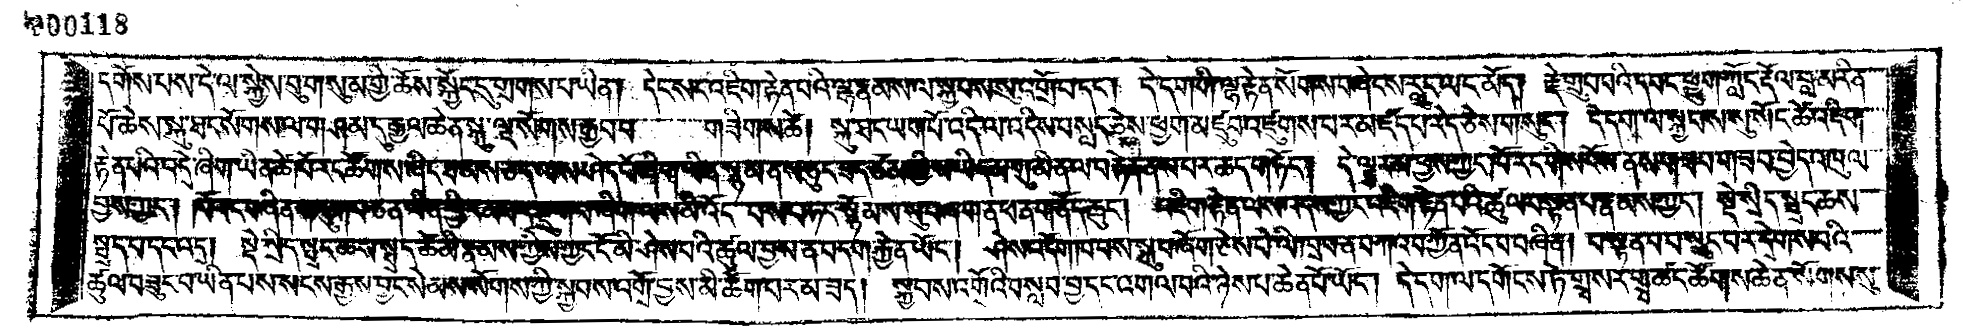དགོས་པས་དེ་ལ་སྐྱེས་བུ་གསུམ་གྱི་ཆོས་སྐྱོང་དུ་གྲགས་པ་ཡིན། དེང་སང་འཇིག་རྟེན་པའི་ལྷ་རྣམས་ལ་སྐྱབས་སུ་འགྲོ་བ་དང་། དེ་དག་གི་ལྷ་རྟེན་སོགས་བཞེངས་རླུང་ལང་མོད། རྗེ་གྲུབ་པའི་དབང་ཕྱུག་ཀློང་རྡོལ་བླ་མ་རིན་
པོ་ཆེས་སྐུ་ཐང་སོགས་ལ་གཤམ་དུ་རྒྱལ་ཆེན་སྐུ་ལྔ་སོགས་རྒྱབ་པ་གཟིགས་ཚེ། སྐུ་ཐང་ཡག་ཏོ་འདི་ལ་འདིས་བསླད་འདུག་ཅེས་ཕྱག་མཛུབ་འཛུགས་པར་མཛད་པ་རེད་ཅེས་གསུང་། དེ་དག་ལ་སྐྱབས་སུ་སོང་ཚེ་འཇིག་
རྟེན་པའི་འདྲེ་ཞིག་ཡིན་ཚེ་ཁོ་རང་ཚོགས་ཞིང་ཐམས་ཅད་ལས་ཤེད་པོ་ཞིག་ཡིན་སྙམ་ནས་ཅུང་ཟད་ཙམ་གྱིས་ཡི་དམ་གུ་མིན་ལ་བརྟེན་ནས་བར་ཆད་གཏོང་། དེ་ལྟར་མ་བྱས་ཀྱང་ཁོར་རང་གིས་ངོས་ནས་གཟབ་གཟབ་བྱེད་འཁུལ་
བྱས་ཀྱང་། ཁོ་རང་བཞིན་གདུག་པ་ཅན་ཡིན་ཕྱིར་མཐར་སྡུག་པ་ཞིག་ལས་མི་འོང་བས་བཏང་སྙོམས་སུ་བཞག་ན་ཕན་གནོད་ཆུང་། འཇིག་རྟེན་ལས་འདས་ཀྱང་འཇིག་རྟེན་པའི་ཚུལ་བསྟན་པ་རྣམས་ཀྱང་། སྡེ་སྲིད་སྤྲང་ཆས་
སྤྲད་པ་དང་འདྲ། སྡེ་སྲིད་སྤྲང་ཆས་སྤྲད་ཚེ་མི་རྣམས་ཀྱིས་ཀྱང་ངོ་མི་ཤེས་པའི་ཚུལ་བྱས་ན་བདག་རྐྱེན་ཡོང་། ཤེས་འདོག་ཁ་བས་སྐུ་བཞོག་ཅེས་པེ་ལི་ཁྲབ་ན་བཀའ་བཀྱོན་འོང་བ་བཞིན། བསྟན་པ་བསྲུང་བར་དྲེགས་པའི་
ཚུལ་བཟུང་བ་ཡིན་པས་སངས་རྒྱས་བྱང་སེམས་སོགས་ཀྱི་སྐྱབས་འགྲོ་བྱས་མི་ཆོག་པར་མ་ཟད། སྐྱབས་འགྲོའི་བསླབ་བྱ་དང་འགལ་བའི་ཉེས་པ་ཆེན་པོ་ཡོང་། དེ་དག་ལ་དགོངས་ཏེ་གྲྭ་སར་གྲྭ་ཚང་ཚོགས་ཆེན་སོགས་སུ་